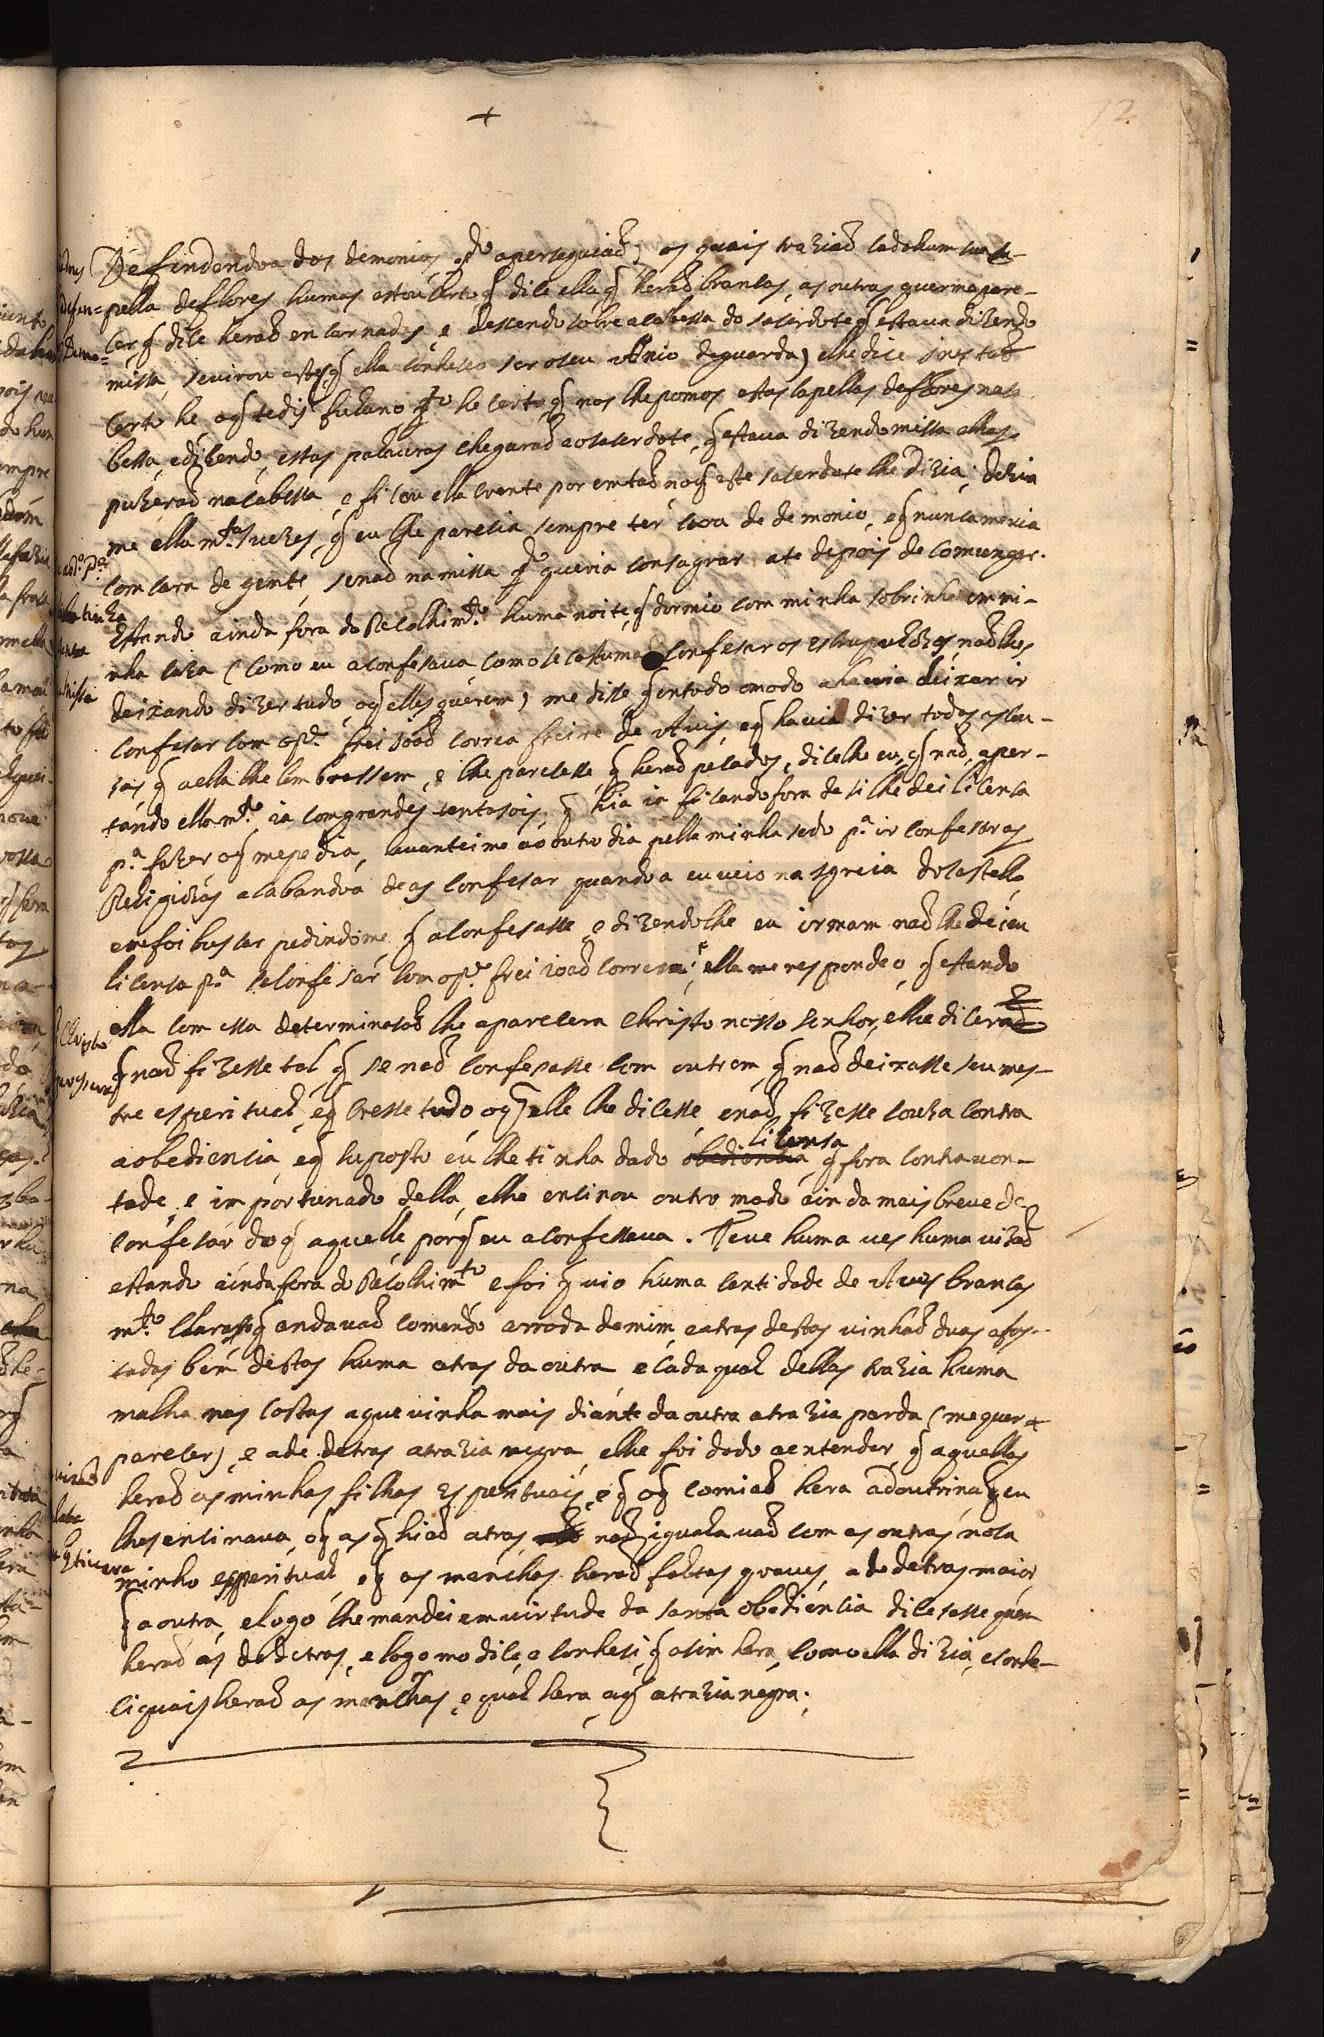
Defendendoa dos demonios, qdo a perseguiaõ, os quais traziaõ cada hum sua ca
pella de flores, humas estou certo q̄ dice ella q̄ heraõ brancas, as outras querme pare
Cer q̄ dice heraõ encarnadas, e descendo sobre a cabessa do sacerdote q̄ estaua dizendo
missa se uirou este (q̄ ella conheceo ser o seu Anio de guarda) e lhe dice Ines taõ
Certo he o q̄ te dis fulano qto he certo q̄ nos lhe pomos estas Capellas de flores na ca
bessa, e dizendo estas palauras chegaraõ ao sacerdote, q̄ estaua dizendo missa e lhas
puzeraõ na cabessa, e ficou ella crente por entaõ no q̄ este sacerdote lhe dizia, dezia
me ella m.tas uezes q̄ eu lhe parecia sempre ter cara de demonio, e q̄ nunca me uia
com cara de gente senaõ na missa qdo queria consagrar ate depois de Comungar
Estando ainda fora do Recolhim.to huma noite, q̄ dormio com minha sobrinha em mi
la tinha
nha caza (Como eu a confesaua como se costuma confesar os Escrupulozos, naõ lhes
deixando dizer tudo o q̄ elles querem) me disse q̄ en todo o modo a hauia deixar ir
confesar com o p.e frei Ioaõ Correa freire de Auis, e q̄ hauia dizer todas as cou
sas q̄ a ella lhe lembrassem, e lhe parecesse q̄ heraõ pecados, dicelho eu, q̄ naõ aper
tando ella m.to ia com grandes tentasois, q̄ hia ia ficando fora de si lhe dei licensa
p.a fazer o q̄ me pedia, leuantei me ao outro dia pella minha sedo p.a ir confesar as
Religiozas acabandoa de as confesar quando a eu ueio na Igreia do Castello
e me foi buscar pedindome q̄ a Confesasse, e dizendolhe eu irmam naõ lhe dei eu
licensa p.a se Confesar Com o p.e frei Ioaõ Correia? ella me respondeo q̄ estando
ella com essa determinaçaõ lhe aparecera christo nosso senhor, e lhe diCeraõ
q̄ naõ fizesse tal q̄ se naõ Confessasse com outrem, q̄ naõ deixasse seu mes
tre esperitual, e q̄ Cresse tudo o q̄ elle lhe dicesse, e naõ fizesse couza contra
a obediencia, e q̄ suposto eu lhe tinha dado obediencia
licensa
q̄ fora contra uon
tade, e importunado della, e lhe encinou outro modo ainda mais breue de
confesar do q̄ aquelle por q̄ eu a confessaua. Teue huma ues huma uizaõ
estando ainda fora do Recolhimto, e foi q̄ uio huma cantidade de Aues brancas
m.to Claras q̄ andauaõ comendo a rroda de mim, e atras destas uinhaõ duas afas
tadas bem distas huma atras da outra e cada qual dellas trazia huma
malha nas costas a que uinha mais diante da outra a trazia parda (me quer
parecer) e a de detras a trazia negra, e lhe foi dado a entender q̄ aquellas
heraõ as minhas filhas Esperituaes, e q̄ o q̄ comiaõ hera a doutrina, q̄ eu
lhes ensinaua, o q̄ as q̄ hiaõ atras, naõ naõ igualauaõ com as outras no ca
a q̄ tiuera
minho esperitual, e q̄ os manchas heraõ faltas graues, a de detras maior
q̄ a outra, e logo lhe mandei em a uirtude da santa obediencia dicesesse quem
heraõ as de detras, e logo mo dice, e conhesi q̄ asim hera, Como ella dizia, e conhe
Ci quais heraõ as manchas, e qual hera a q̄ a trazia negra;
